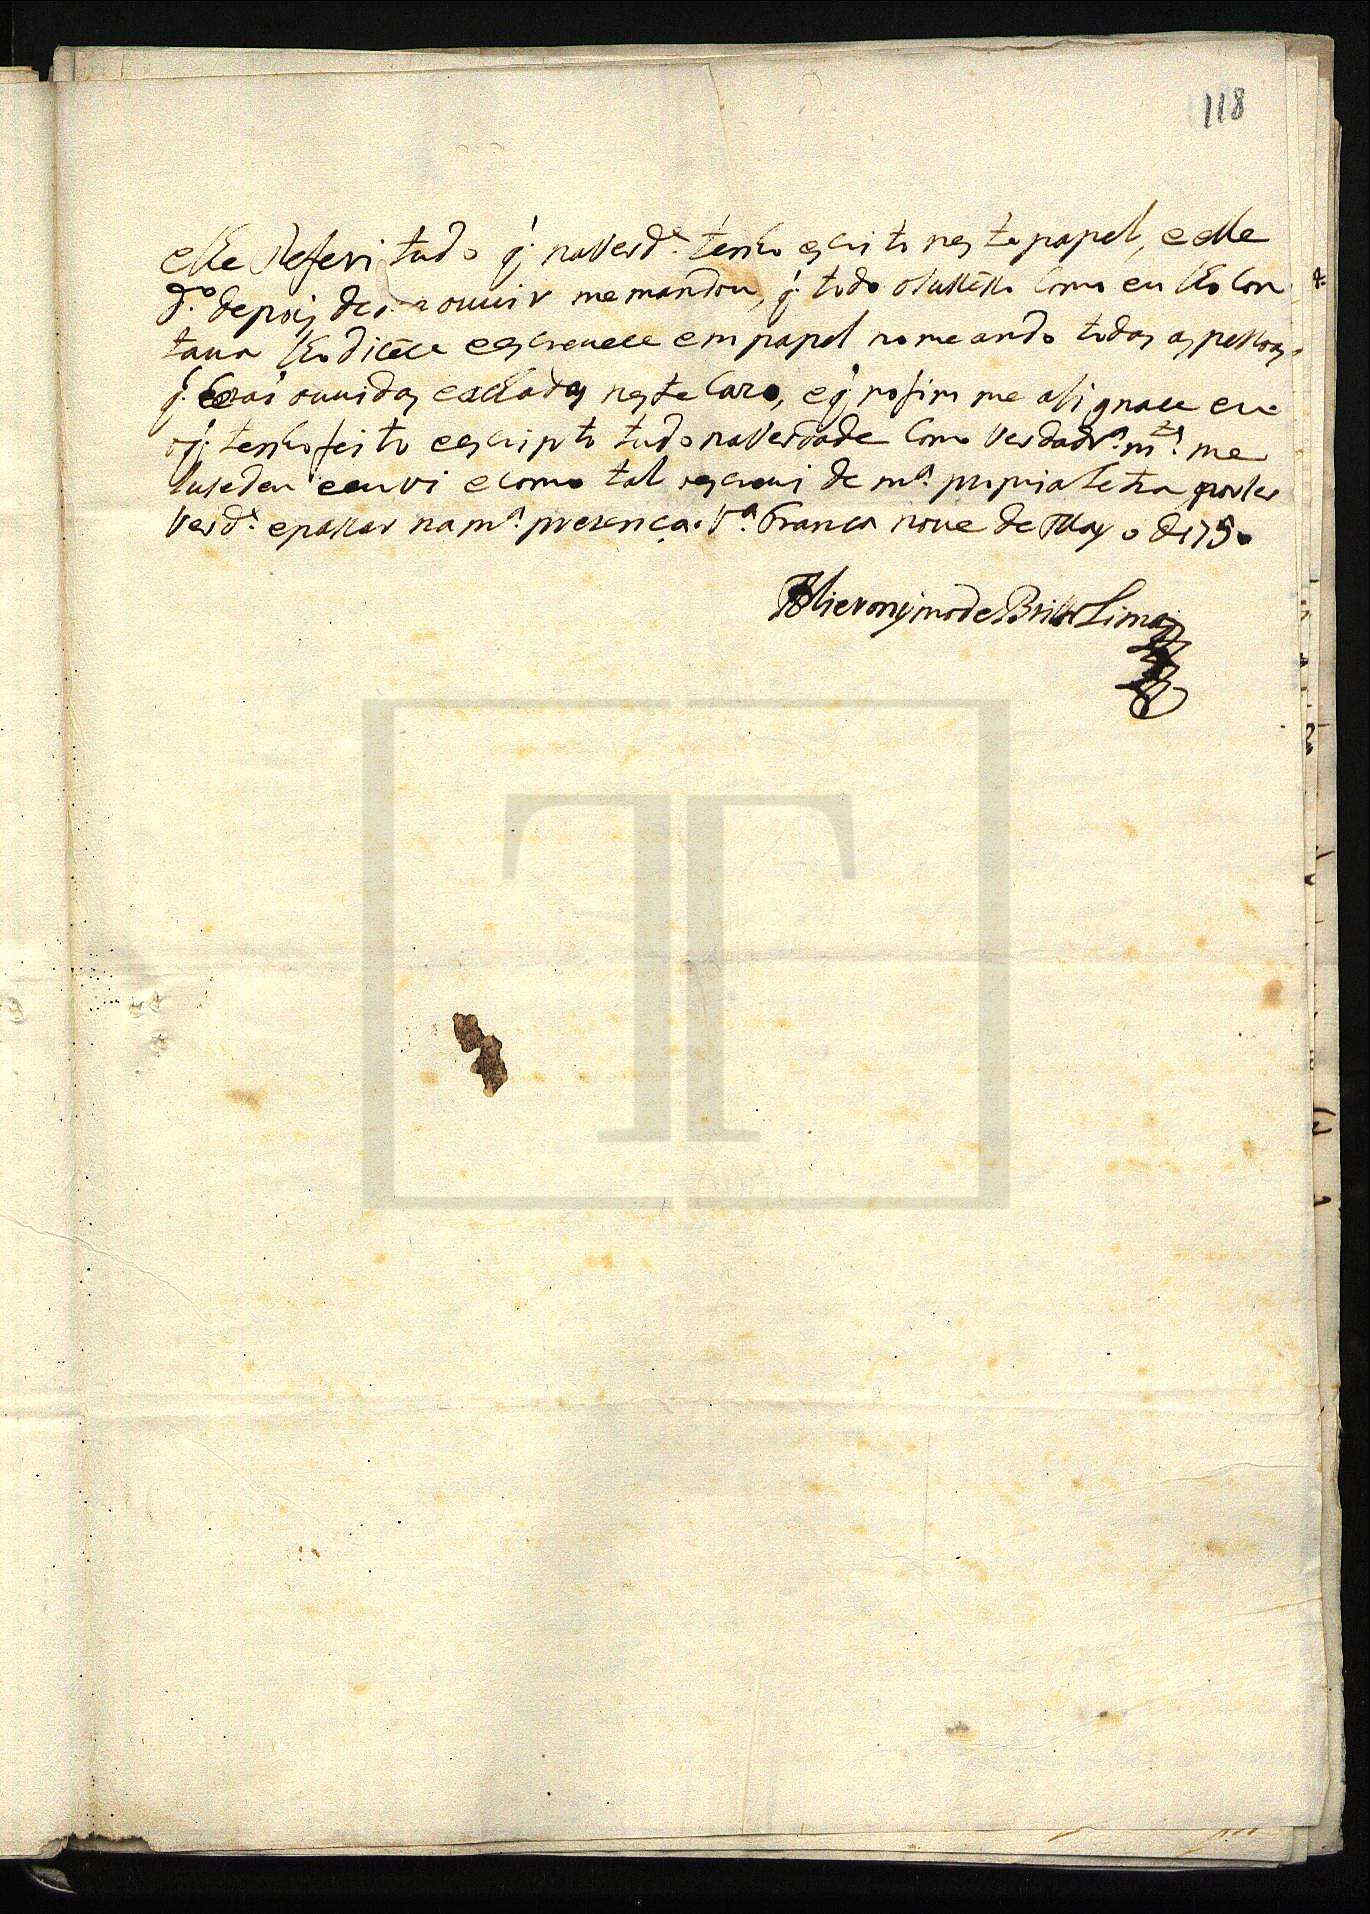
e lhe Referi tudo q̄ na verd.e tenho escrito neste papel, e elle
d.o depois de _ ouuir me mandou, q̄ todo o sussesso como eu lho con
taua lho dicece e escreuece em papel nomeando todas as pessoas
q̄ heraõ ouuidas e achadas neste Cazo, e q̄ no fim me asignace eu
o q̄ tenho feito e escripto tudo na verdade Como verdadr.am.te me
susedeu e ouvi e como tal o escreui de m.a propria letra, por ser
verd.e e passar na m.a prezença. V.a Franca noue de Mayo d̄ 1750
Hieronymo de Britto Lima
